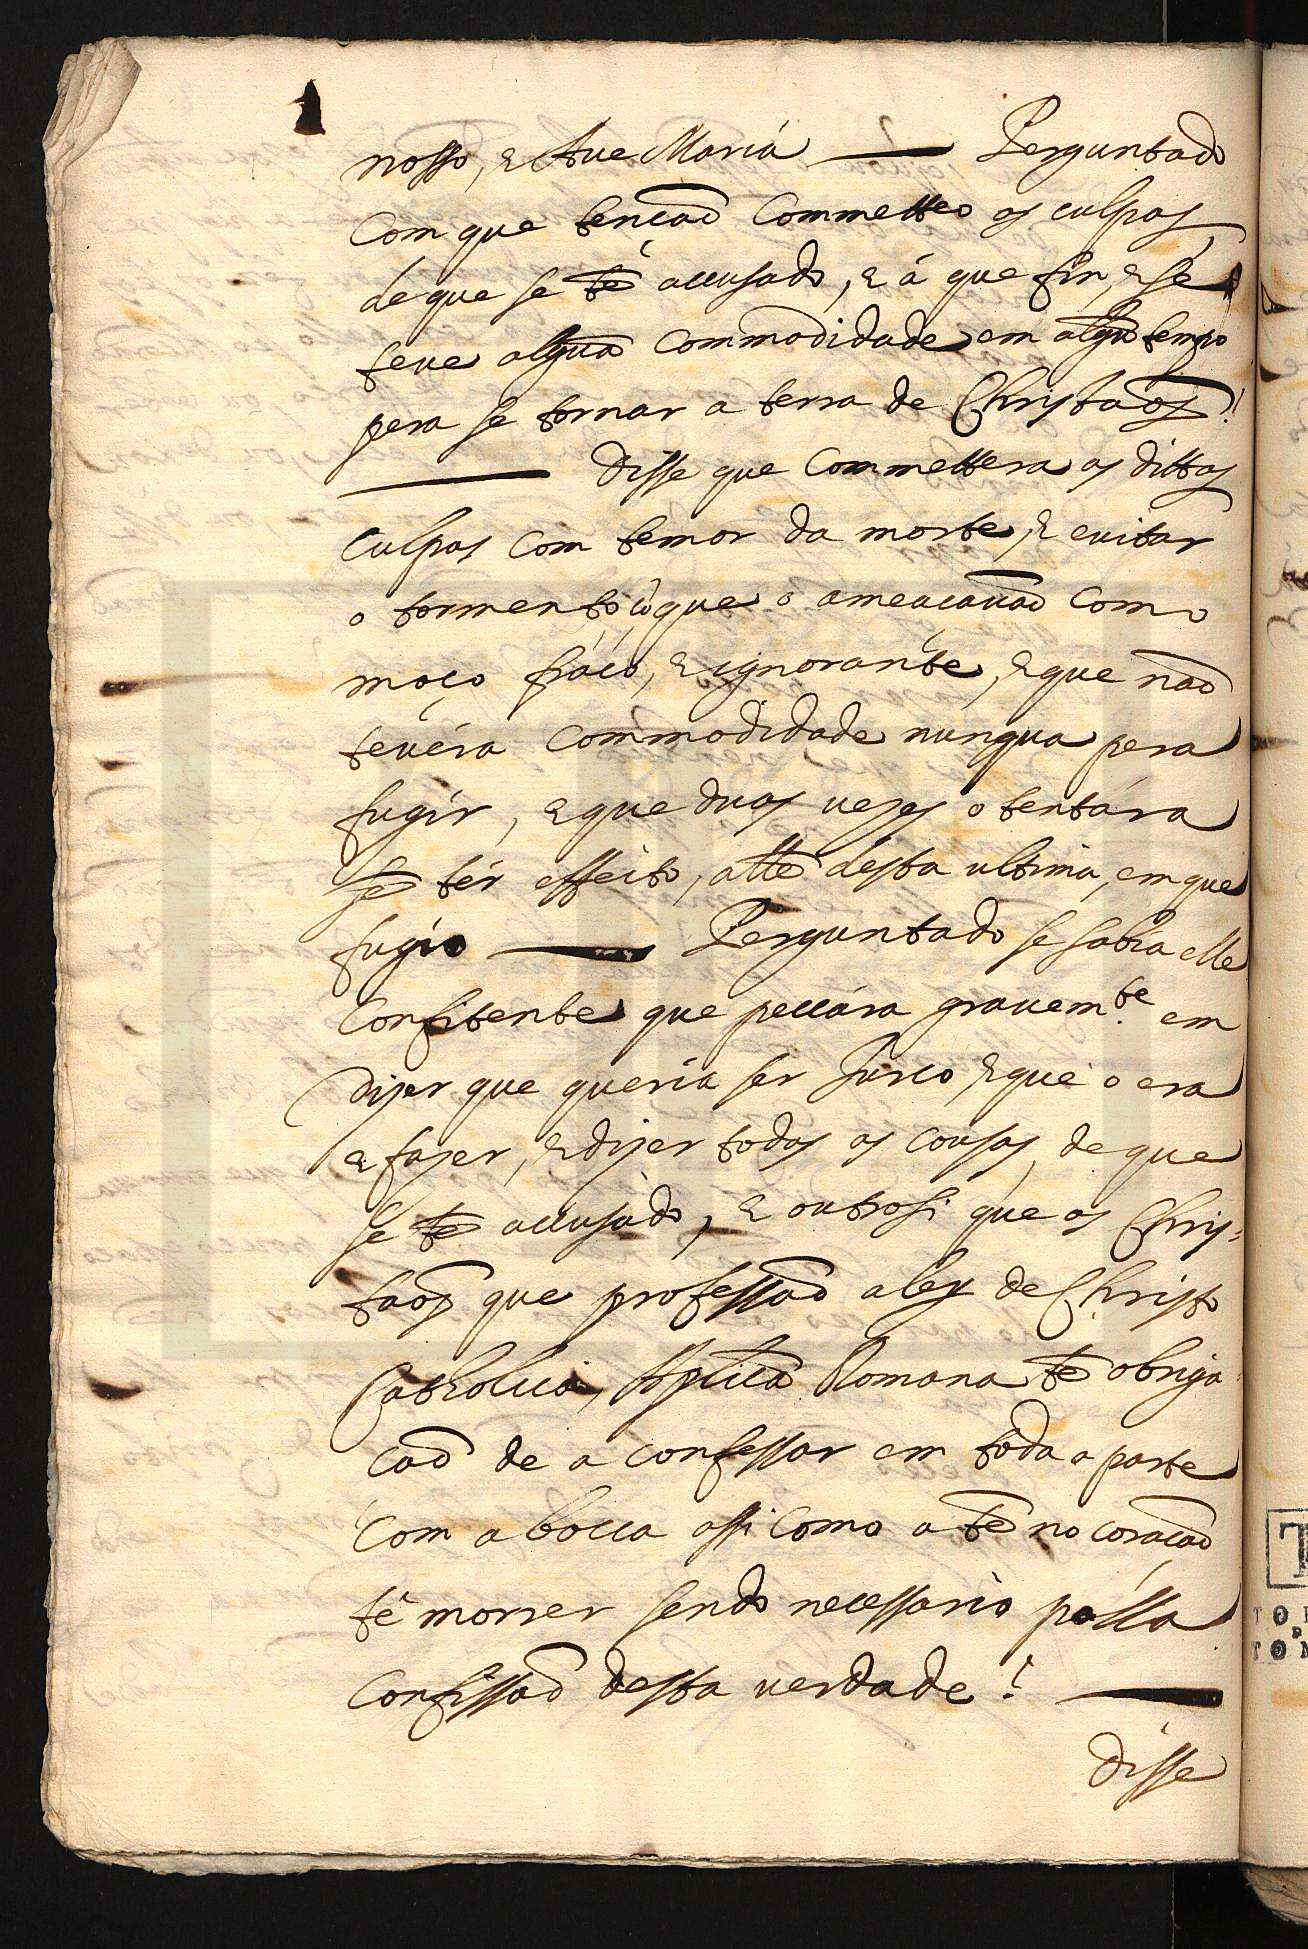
nosso, E Aue Maria _ Perguntado
com que tenção commetteo as culpas
de que se tē accusado, E a que fim, E se
teue alguā commodidade em algū tempo
pera se tornar a terra de Christaõs,
Disse que commettera as dittas
culpas com temor da morte, E euitar
o tormento cō que o ameaçauão como
moço fraco, E ignorante, E que naõ
teuera commodidade nunqua pera
fugir, E que duas uezes o tentara
sē ter effeito, atte desta ultima em que
fugio
Perguntado se sabia elle
Confitente que peccara grauemte em
dizer que queria ser turco, E que o era
E fazer, E dizer todas as cousas de que
se tē accusado, E outrosi que os Chris
taõs que professão a ley de Christo
Catholica, Apl̄ica Romana tē obriga
çaõ de a confessar em toda a parte
com a boca assi como a tē no coraçaõ
té morrer sendo necessario polla
confissão desta uerdade?
Disse
